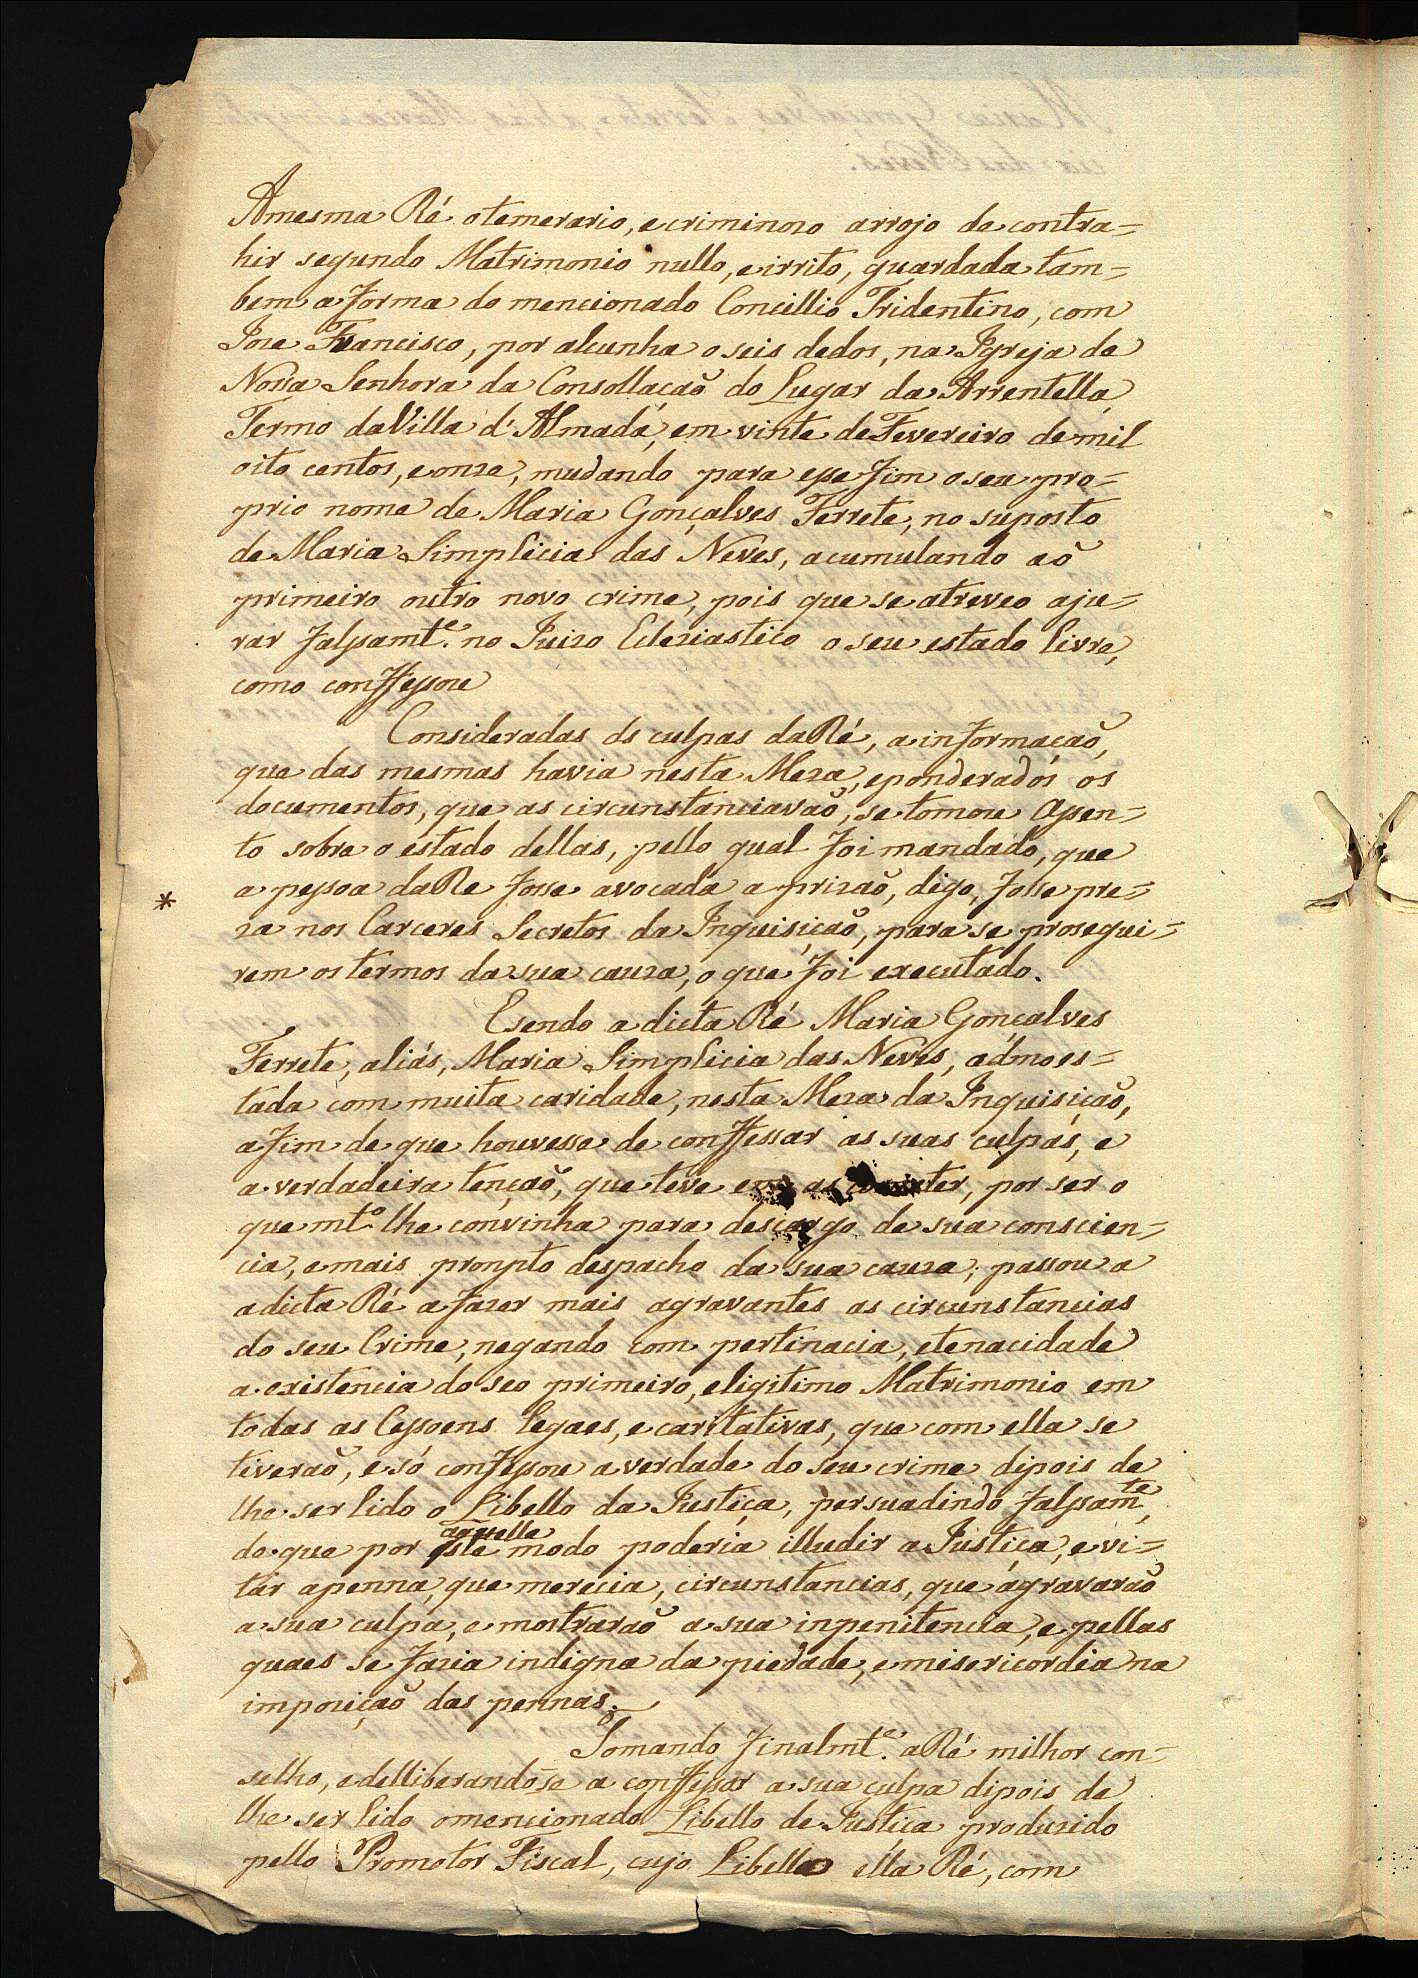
A mesma Ré o temerario, e criminozo arrojo de contra
hir segundo Matrimonio nullo, e irrito, guardada tam
bem a forma do mencionado Concillio Tridentino, com
Ioze Francisco, por alcunha o seis dedos, na Igreja de
Nossa Senhora da Consollaçaõ do Lugar da Arrentella,
Termo da Villa d'Almada, em vinte de Fevereiro de mil
oito centos, e onze, mudando para esse fim o seu pro
prio nome de Maria Gonçalves Ferrete, no suposto
de Maria Simplicia das Neves, acumulando aõ
primeiro outro novo crime, pois que se atreveu a ju
rar falsamt.e no Iuizo Ecleziastico o seu estado livre,
como conffessou
Consideradas de culpas da Ré, a informaçaõ,
que das mesmas havia nesta Meza, e ponderados os
documentos, que as circunstanciavaõ, se tomou assen
to sobre o estado dellas, pello qual foi mandado, que
a pessoa da Re fosse avocada a prizaõ, digo, fosse pre
za nos Carceres secretos da Inquisiçaõ, para se prosegui
rem os termos da sua cauza, o que foi executado.
E sendo a dicta Ré Maria Gonçalves
Ferrete, aliás, Maria Simplicio das Neves, admoes
tada com muita caridade, nesta Meza da Inquisiçaõ,
afim de que houvesse de conffessar as suas culpas, e
a verdadeira tençaõ, que teve e_ as __ter, por ser o
que mto lhe convinha para descargo de sua conscien
cia, e mais prompto despacho da sua cauza; passou a
a dicta Ré a fazer mais agravantes as circunstancias
do seu Crime, negando com pertinacia, e tenacidade,
a existencia do seo primeiro, e ligitimo Matrimonio em
todas as Cessoens legaes, e caritativas, que com ella se
tiveraõ, e só confessou a verdade do seu crime dipois de
lhe se lido o Libelo da Iustiça, persuadindo falssamte,
aquelle
de que por este modo poderia illudir a Iustiça, evi
tar a penna que merecia, circunstancias que agravaraõ
a sua culpa, a mostraraõ a sua inpenitencia, e pellas
quaes se fazia indigna da piedade, e misericordia na
impoziçaõ das penas.
Tomando finalmt.e a Ré milhor con
selho, e delliberando-se a conffessar a sua culpa dipois de
lhe ser lido o mencionado Libello de Iustiça produzido
pello Promotor Fiscal, cujo Libello ella Ré, com
